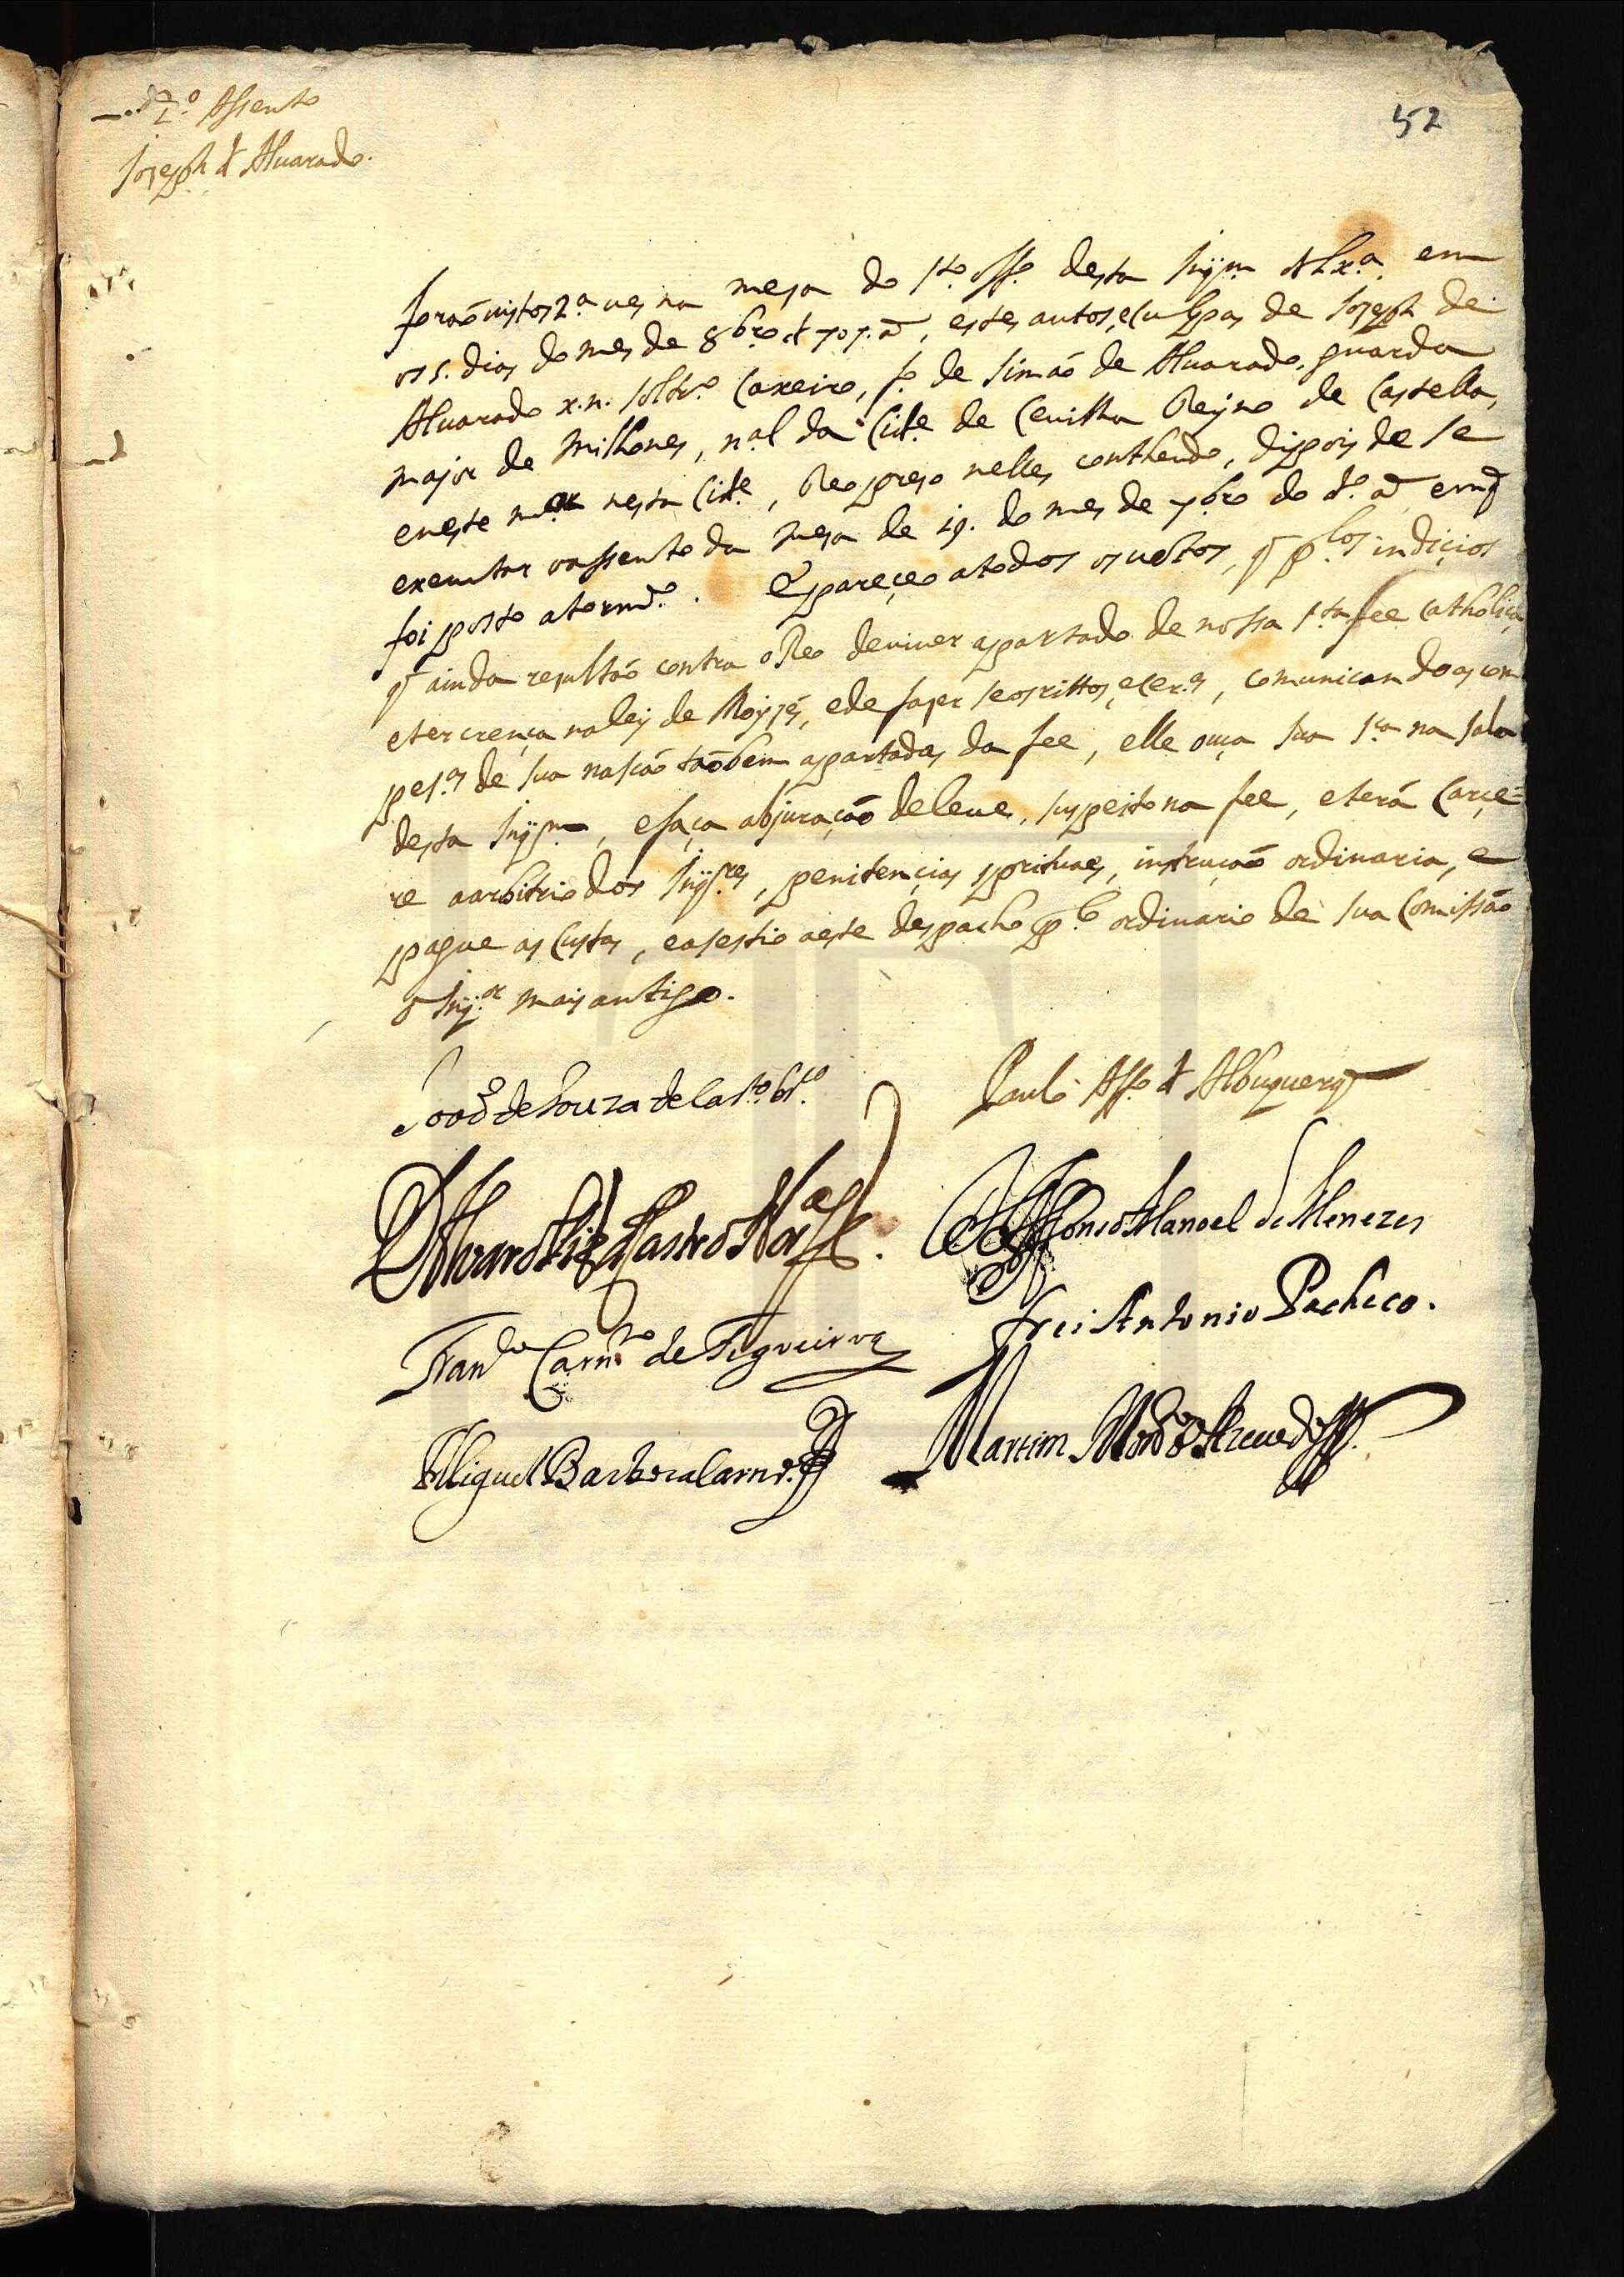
2.o Assento
Jozeph d̄ Aluarado.
foraõ uistos 2.a ues na mesa do s.to off.o desta Inq.m d̄ Lx.a em
os 5. dias do mes de 8b.ro d̄ 707. ā. estes autos, e culpas de Iozeph de
Aluarado x. n. soltr.o Caxeiro, f.o de Simaõ de Aluarado, guarda
major de milhones, n.al da Cid.e de Ceuilha Reyno de Castella,
e neste m.or nesta Cid̄e, Reo prezo nelle, contheudo, dispois de se
executar o assento da mesa de i9. do mes de 7.bro do d̄.o ā, em q̄
foi posto a torm.to. E pareceo a todos os uotos, q̄ p.los indicios
q̄ ainda resultaõ contra o Reo de uiuer apartado de nossa s.ta fee catholica
e ter crença na ley de Moyzés, e de fazer seos rittos e cer.as, comunicandoas com
pes.as de sua nasçaõ taõbem apartadas da fee, elle ouça sua s.ça na sala
desta Inq.m, e faça abjuraçaõ de leue, suspeito na fee, e terá Carce
re a arbitrio dos Inq.res, penitencias sprituaes, instruçaõ ordinaria, e
pague as Custas, e asestio a este despacho p.lo ordinario de sua Comissão
o Inq.or mais antigo.
Paulo Aff.o d̄ Albuquerq̄
Ioaõ de Souza de Cast.o br.co
D Aluaro Piz̄ d̄ Castro Nor.a
D Affonso Manoel de Menezes
frei Antonio Pacheco.
Franco Carn.ro de Figueiroa
Miguel Barboza Carnr.o
Martim Mon.to d̄ Azeuedo
